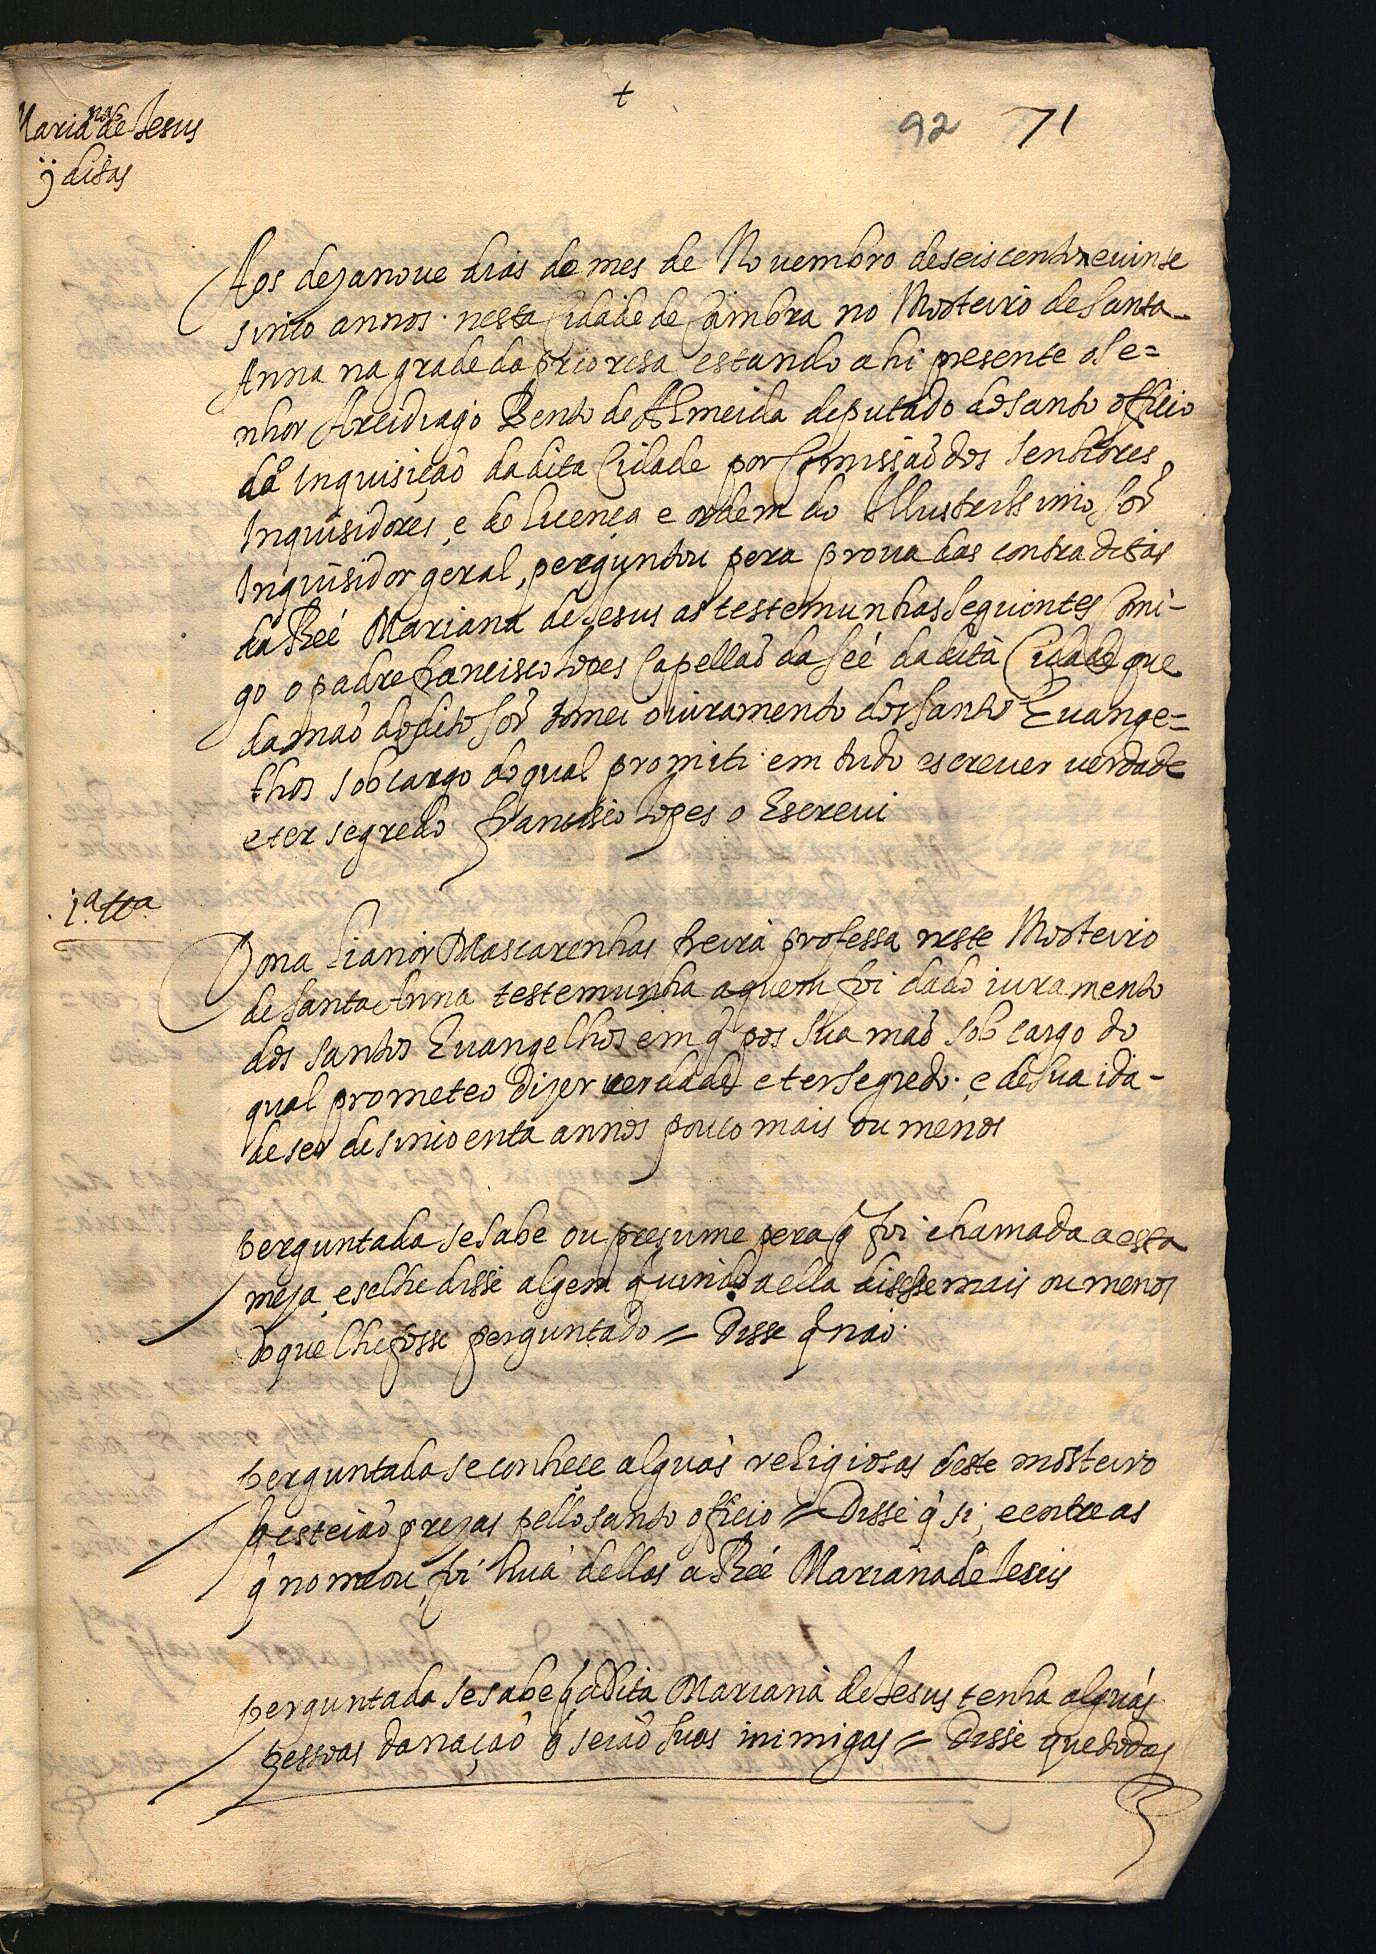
Mariana de Iesus
ꝯditas
i.a tta.
Aos dezanoue dias do mes de Nouembro de seiscentoa e uinte
sinco annos nesta Cidade de Coimbra no Mosteiro de Santa
Anna na grade da prioresa estando ahi presente o se
nhor Arcidiago Bento de Almeida deputado do santo officio
da inquisiçaõ da dita Cidade por Comissaõ dos senhores
Inquisidores, e de licença, e ordem do Illustrissimo sor̄
Inquisidor geral, perguntou pera proua das contraditas
da Reé Mariana de Iesus as testemunhas seguintes Comi
go o padre francisco lopes Capellaõ da seé da dita Cidade que
da maõ do dito sor̄ tomei o iuramento dos santos Euange
lhos sob cargo do qual promiti em tudo escreuer uerdade
e ter segredo francisco lopes o Escreui
Dona lianor Mascarenhas freira professa neste Mosteiro
de Santa Anna testemunha a quem foi dado iuramento
dos santos Euangelhos em q̄ pos sua maõ sob cargo do
qual prometeo dizer uerdade e ter segredo; e de sua ida
de ser de sincoenta annos pouco mais ou menos
perguntada se sabe ou presume pera q̄ foi chamada a esta
meza e se lhe disse algem q̄ uindo a ella disesse mais ou menos
do que lhe fosse perguntado = Disse q̄ nao
perguntada se conhece alguas religiosas deste mosteiro
q̄ esteiaõ prezas pello santo officio = Disse q̄ si; e entre as
q̄ nomeou, foi hua dellas a Reé Mariana de Iesus
perguntada se sabe q̄ a dita Mariana de Iesus tenha alguās
pessoas da naçaõ q̄ seiaõ suas inimigas = Disse que todas
